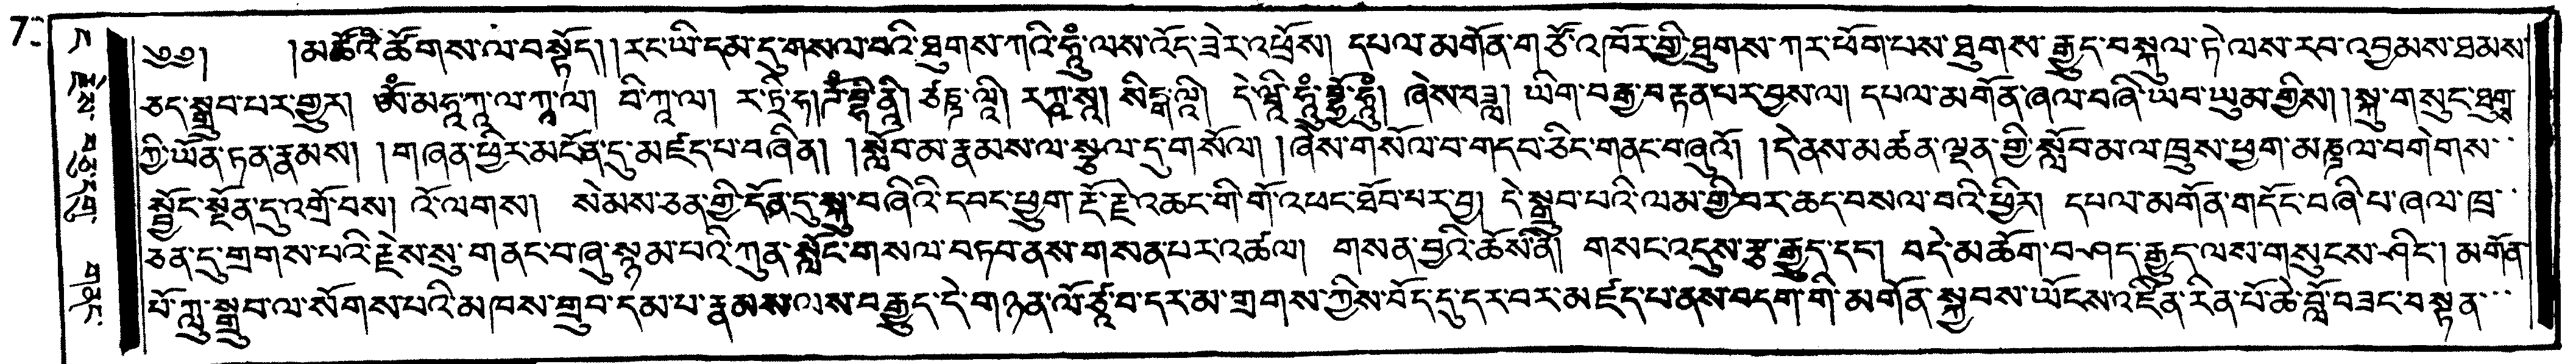༄༅། །མཚོའི་ཚོགས་ལ་བསྟོད། །རང་ཡི་དམ་དུ་གསལ་བའི་ཐུགས་ཀའི་ཧཱུཾ་ལས་འོད་ཟེར་འཕྲོས། དཔལ་མགོན་གཙོ་འཁོར་གྱི་ཐུགས་ཀར་ཕྱོག་པས་ཐུགས་རྒྱུད་བསྐུལ་ཏེ་ལས་རབ་འབྱམས་ཐམས་
ཅད་སྒྲུབ་པར་གྱུར། ཨོཾ་མཧཱ་ཀཱ་ལ་ཀཱ་ལ། བི་ཀཱ་ལ། ར་ཏྲི་ཧ། ཌོཾ་བྷི་ནཱི། ཙཎྜ་ལཱི། རྐྵ་སཱ། སིངྒ་ལཱི། དེ་ཝཱི་ཧཱུཾ་བྷྱོ་ཧཱུཾ། ཞེས་བཟླ། ཡིག་བརྒྱ་བརྟན་པར་བྱས་ལ། དཔལ་མགོན་ཞལ་བཞི་ཡབ་ཡུམ་གྱིས། སྐུ་གསུང་ཐུགས་
ཀྱི་ཡོན་ཏན་རྣམས། །གཞན་ཕྱིར་མངོན་དུ་མཛད་པ་བཞིན། །སློབ་མ་རྣམས་ལ་སྩལ་དུ་གསོལ། །ཞེས་གསོལ་བ་གདབ་ཅིང་གནང་བ་ཞུའོ། །དེ་ནས་མཚན་ལྡན་གྱི་སློབ་མ་ལ་ཁྲུས་ཕྱག་མཎྜལ་བགེགས་
སྦྱོང་སྔོན་དུ་འགྲོ་བས། འོ་ལགས། སེམས་ཅན་གྱི་དོན་དུ་སྐུ་བཞིའི་དབང་ཕྱུག་རྡོ་རྗེ་འཆང་གི་གོ་འཕང་ཐོབ་པར་བྱ། དེ་སྒྲུབ་པའི་ལམ་གྱི་བར་ཆད་བསལ་བའི་ཕྱིར། དཔལ་མགོན་གདོང་བཞི་པ་ཞལ་ཁྲ་
ཅན་དུ་གྲགས་པའི་རྗེས་སུ་གནང་བ་ཞུ་སྙམ་པའི་ཀུན་སློང་གསལ་བཏབ་ནས་གསན་པར་འཚལ། གསན་བྱའི་ཆོས་ནི། གསང་འདུས་རྩ་རྒྱུད་དང་། བདེ་མཆོག་བཤད་རྒྱུད་ལས་གསུངས་ཤིང་། མགོན་
པོ་ཀླུ་སྒྲུབ་ལ་སོགས་པའི་མཁས་གྲུབ་དམ་པ་རྣམས་ལས་བརྒྱུད་དེ་གཉན་ལོ་ཙཱ་བ་དར་མ་གྲགས་ཀྱིས་བོད་དུ་དར་བར་མཛད་པ་ནས་བདག་གི་མགོན་སྐྱབས་ཡོངས་འཛིན་རིན་པོ་ཆེ་བློ་བཟང་བསྟན་